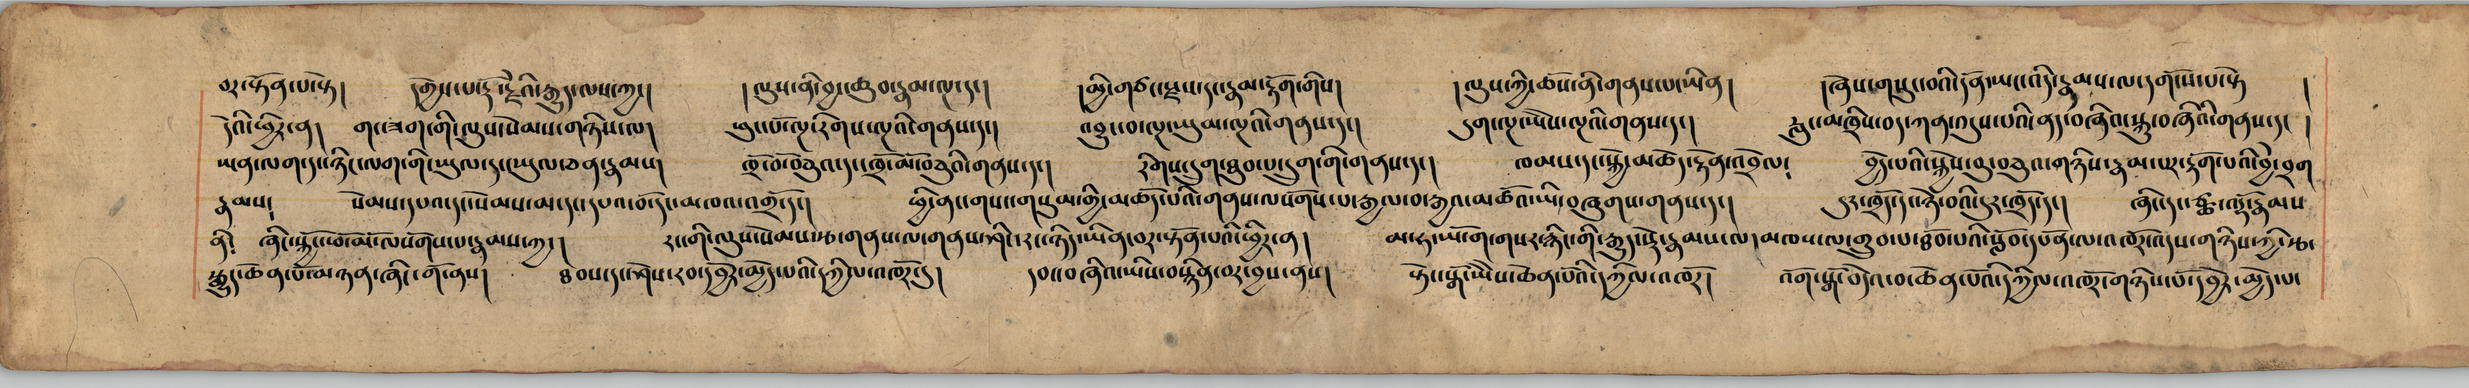བར་སྟོན་པ་སྟེ། དགྱེས་པ་རྡོ་རྗེའི་རྒྱུད་ལས་ཀྱང། །ལུས་ནི་བྱང་ཆུབ་རྣམ་ལྔ་དང། །མྱི་གཙང་སྫས་དང་རྣམ་རྟོག་གིས། །ལུས་ཀྱི་ཆོས་ནི་གནས་པ་ཡིན། །ཞེས་གསུང་བའི་དོན་ཡང་འདི་རྣམས་ལ་དགོངས་པ་སྟེ
དེའི་ཕྱིར་ན། གང་ཟག་གི་ལུས་སེམས་གཉིས་ལ། ཕུང་པོ་ལྔ་རིགས་ལྔའི་གནས་དང། འབྱུང་བ་ལྔ་ཡུམ་ལྔའི་གནས་དང། དུག་ལྔ་ཡཻས་ལྔའི་གནས་དང། རླུང་མཁྲིས་བད་ཀན་འདུས་པའི་ནད་བཞིའི་སྐུ་བཞིའི་གནས་དང །
ཡན་ལག་དང་ཉིང་ལག་གི་ཡུལ་དང་ཡུལ་ཅན་རྣམས། ཁྲོ་བོ་བཅུའ་དང་ཁྲོ་མོ་བཅུའི་གནས་དང། རིགས་དྲུག་ཐུབ་པ་དྲུག་གི་གནས་དང། ཁམས་དང་སྐྱེ་མཆེད་རྟེན་འབྲེལ༴ བྱེད་པའི་སྐྱེས་བུ་བཅུའ་གཉིས་རྣམ་པར་རྟོག་པའི་བྱེ་བྲག
རྣམས༴ སེམས་དཔའ་དང་སེམས་མ་དང་དཔའ་བོ་དང་མཁའ་འགྲོ་དང། ཕྱི་ནང་གསང་གསུམ་གྱི་མཆོད་པའི་གནས་ལསོགས་པ་རྒྱལ་བ་རྒྱའ་མཚོའ་ཡི་བཞུགས་གནས་དང། དུར་ཁྲོད་དང་ཉེ་བའི་དུར་ཁྲོད་དང། ཞིང་དང་ཙྪ་འོདྷ་རྣམས
ནི༴ ཞིང་སྐྱོང་ཕོ་མོ་ལ་སོགས་པ་རྣམས་ཀྱང། རང་གི་ལུས་སེམས་རྩ་གནས་ལ་གནས་ཤིང་རང་ཉིད་ཡིན་བར་སྟོན་པའི་ཕྱིར་ན། མ་ཧ་ཡོ་ག་གསར་རྙིང་གི་རྒྱུད་སྡེ་རྣམས་ལ་མཁས་ལ་གྲུབ་པ་ཐོབ་པའི་སློབ་དཔོན་ལ་འཁོར་འདས་གཉིས་ཀྱི་རྩ་
སྒྱུད་ཆེན་པོ་མཉན་ཞིང་གོ་ནས། ཐབས་དང་ཤེས་རབ་དབྱེར་མྱེད་པའི་དཀྱིལ་འཁོར་དུ། དབང་བཞིའ་ཡིས་བསྙིན་བར་བྱས་ནས། སྟེང་སྒོ་ཡཻས་ཆེན་པོའི་དཀྱིལ་འཁོར། འོག་སྒོ་བདེའ་བ་ཆེན་པོའི་དཀྱིལ་འཁོར་གཉིས་པོ་དབྱེར་མྱེད་པ་